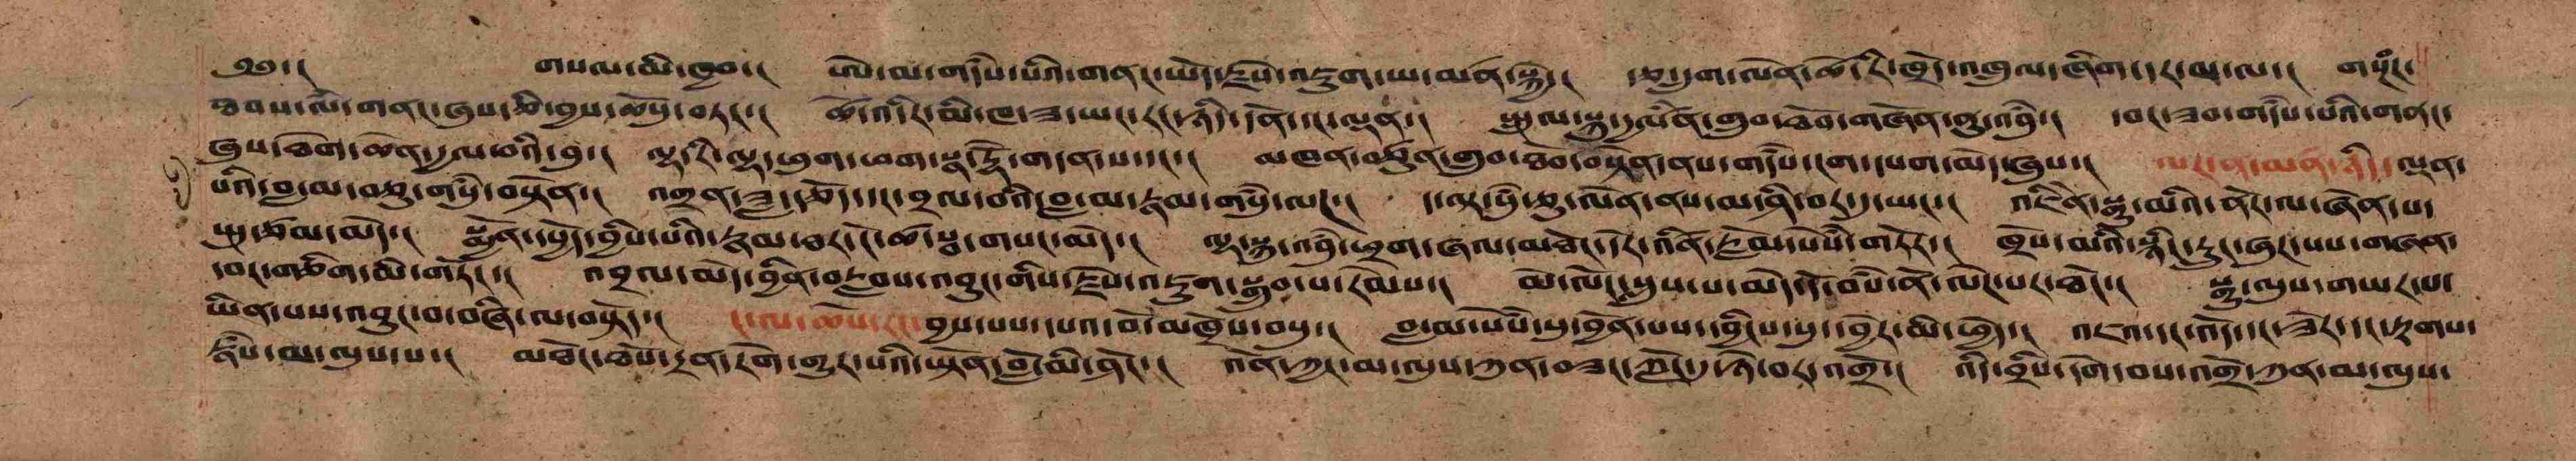༄༅་། བསམ་མི་ཁྱབ། ཨེ་མ་གདམས་པའི་གནང་ཡོད་རྗེས་འཇུག་ཡ་མཚན་སྐྱེ། རྩ་དྲུག་ལེན་ཚེ་རི་ཁྲོད་འཁྲུལ་ཞིག་དར་མ་ལ། གསང་སྔགས་
ཐབས་མི་གནང་ཞུས་ཅི་བྱས་ཆོས་སུ་བཏང་། ཚེ་འདིར་མི་ཁ་ཟ་ཡང་རང་ཉིད་དོན་དང་ལྡན། སྤྲུལ་སྐུ་རྒྱལ་མཚན་གྲུབ་ཐོབ་གཞོན་ནུ་འབུམ། དབང་ཟབ་གདམས་པའི་གནང་
ཞུས་ཐེག་ཆེན་རྒྱལ་བའི་བུ། ལྷ་རི་ལྷ་ཕུག་ཕག་སྣ་རྡོ་རྗེ་གདན་ས་དང་། མཁན་བཙུན་གྲུབ་ཐོབ་བསྟེན་ནས་གདམས་ངག་དཔག་མེད་ཞུས། ལགས་ན་མཚན་ཉིད་ལྡན་
པའི་བླ་མ་བཅུ་གསུམ་བསྟེན། འགྲན་ཟླ་རྩོད་དང་བྲལ་བའི་བླ་མ་རྣམ་གསུམ་ལགས། ད་ལྟ་སུམ་བཅུ་ལེན་ནས་མ་ཤི་བར་དུ་ཡང་། འཇིག་རྟེན་སྒྱུ་མའི་ནོར་ལ་ཞེན་པ་
སྤུ་ཙམ་མེད། སྨྱོན་སྤྱོད་བྱིས་པའི་རྣམ་ཐར་ངོ་ཚ་སྦ་གསང་མེད། ལྷ་སྐུ་འབུམ་ཕྲག་ཞལ་མཐོང་དེར་འཛིན་རློམ་སེམས་གཏོར། ཁྲོས་མའི་སྙིང་རླུང་ཞུགས་པས་གཞན་
དབང་གཅིག་མི་གཏོང་། འབྲལ་མེད་བྱིན་བརླབས་འབྱུང་གིས་རྗེས་འཇུག་སྒྲུབ་པ་རེམས། མེ་ལོང་སྲུས་པ་མེད་དོ་བསམ་ནོ་ལེགས་པར་ཐོང་། སྒྱུ་ལུས་གཡར་པ་
ཡིན་པས་འབྱུང་བ་བཞི་ལ་བསྟོད། ང་ལ་ཆོས་རང་བྱས་པས་དཔའ་བོ་མཁའ་འགྲོས་བསུ། བླ་མ་སེམས་སུ་བྱོན་པས་དབྱིངས་སུ་དབྱེར་མི་ཕྱེད། འཇའ་དང་འོད་དང་ཟེར་དང་རྟགས་
རྣམས་མ་ལུས་པ། མཐོང་ཐོས་དྲན་རེག་གྱུར་པའི་ཡོན་ཏན་བློ་མི་ཤོང་། འོན་ཀྱང་མ་ལུས་ཀུན་བཟང་ཀློང་དུ་ཉེ་བར་འགྲོ། འདི་བྲིས་དགེ་བས་འགྲོ་ཀུན་མ་ལུས་